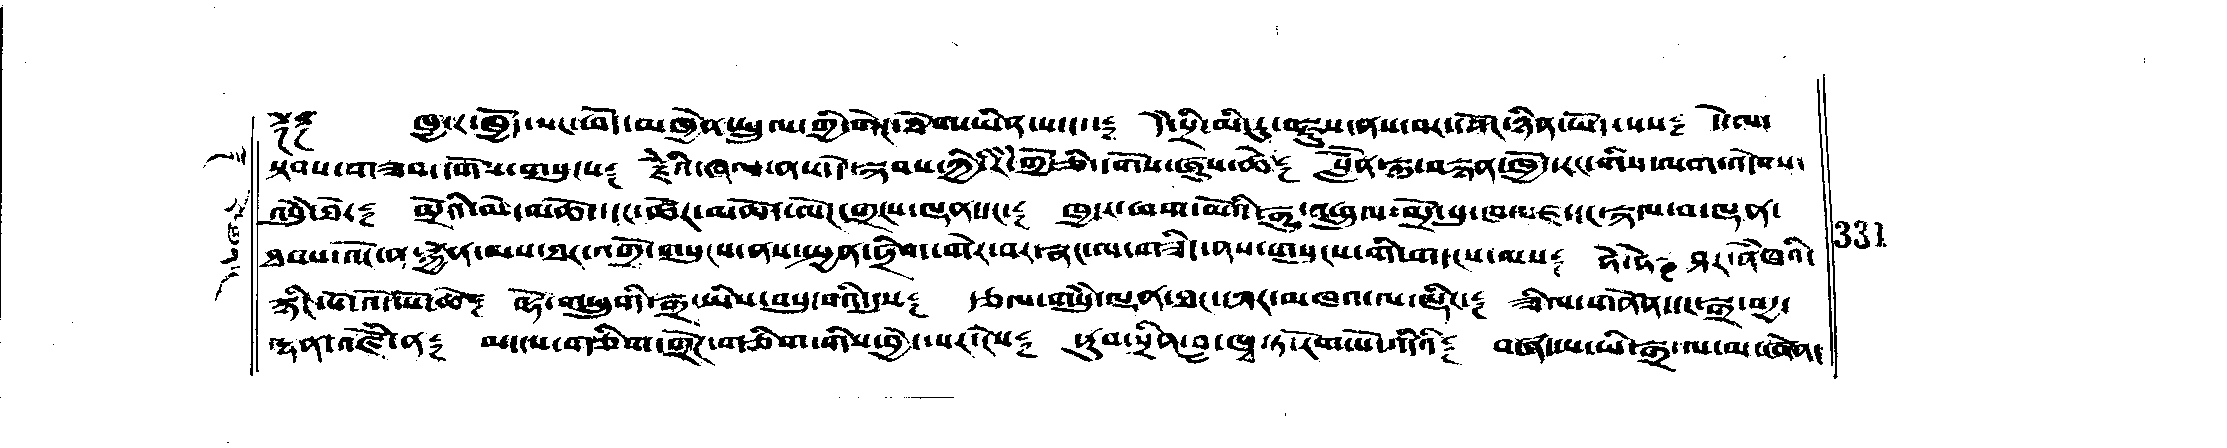ཁྱད་པར་ཁྱོད་སང་ཕོད་མཁྱེན་སྤྲུལ་གྱི་གེགས་ཐོག་ཡིན་པ་དང་། དམ་སྲི་མི་རུ་བརྫུས་ནས་བར་ཆད་འོང་ཉེན་ཡོད་པས། དེ་ལ་
སྟབས་གཟབ་དགོས་གསུངས། རྗེའི་ཞལ་ནས་དེ་སྐབས་ཀྱི་རིམ་གྲོ་ཅི་དགོས་ཞུས་ཚེ། སློབ་དཔོན་སྐུ་བརྙན་ཁྱོད་རང་གིས་ལག་འདེབས་
འབུམ་ཐེར། མཁའ་འགྲོའི་མེ་མཆོད་དང་ཚོགས་མཆོད་ལ་སོགས་གྲངས་ལྡན་དང་། ཁྱད་པར་ཕག་མོའི་སྒྱུ་འཕྲུལ་མཁའ་འགྲོ་སུ་ཁ་བཛྲ་དང་སྐལ་བ་ལྡན་
ཐབས་འོང་ན་རྐྱེན་ལས་ཐར་འགྲོ་གསུངས་ནས་སྤྱན་ཧྲིག་གེར་བར་སྣང་ལ་གཟིགས་ནས་གསུངས་གི་གདངས་ལས། ཧོ་ཧོཿ ཤར་ནམ་མཁའི་
སྙིང་པོ་འོད་པོ་ཆེ། །ལྷོ་གཡུ་འབྲུག་གི་སྒྲ་ཡིས་བསུ་བའི་དུས། །རྩལ་གསུམ་ལྡན་ཐང་དཀར་མཁའ་ལ་ལྡིང་། །ཟིལ་གནོན་དང་སྒྲ་བརྒྱ་
ལྷན་འཛོམ་ན། །མདངས་གཅིག་གྲོགས་གཅིག་གིས་བྱེད་པར་ངེས། །ནུབ་སྲིན་བྱ་ཁྭ་ཏ་རོག་པོ་འདིའི། །བཞད་པ་ཡི་སྒྲ་ལ་མ་ཞེན་